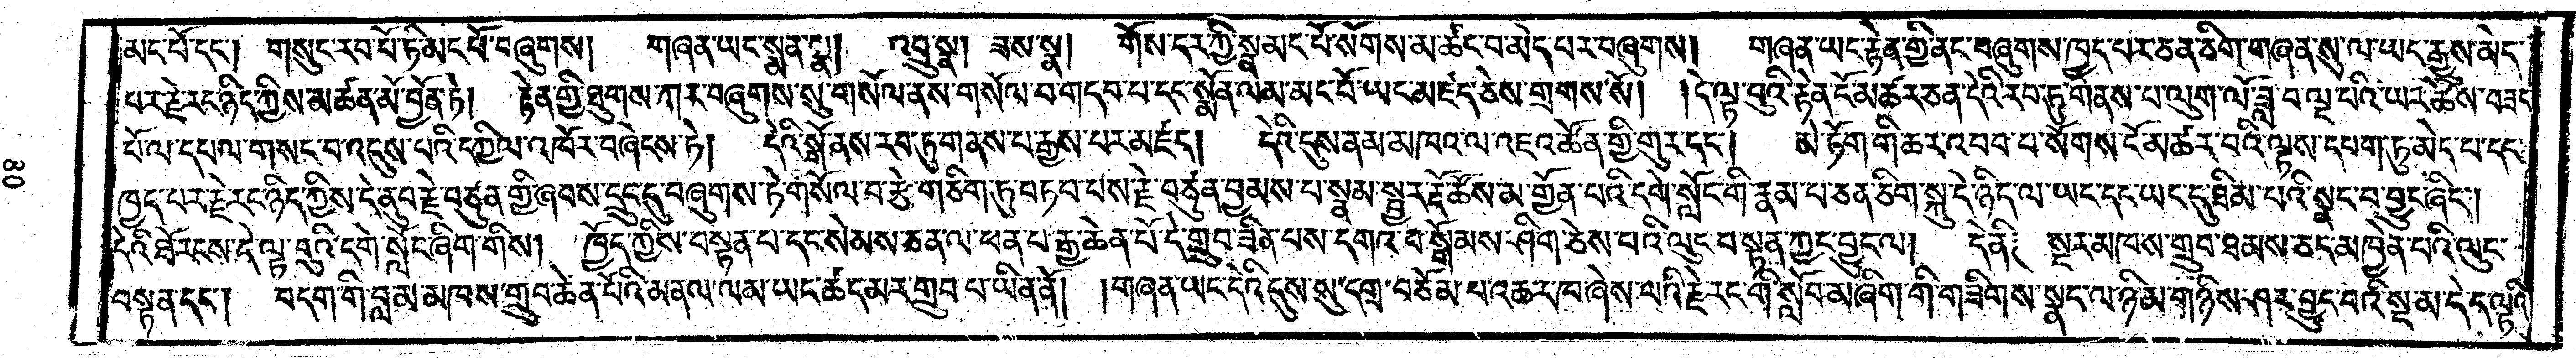མང་པོ་དང་། གསུང་རབ་པོ་ཏི་མང་པོ་བཞུགས། གཞན་ཡང་སྨན་སྣ། འབྲུ་སྣ། ཟས་སྣ། གོས་དར་ཀྱི་སྣ་མང་པོ་སོགས་མཚང་བ་མེད་པར་བཞུགས། གཞན་ཡང་རྟེན་གྱི་ནང་བཞུགས་ཁྱད་པར་ཅན་ཅིག་གཞན་སུ་ལ་ཡང་རྒྱུས་མེད་
པར་རྗེ་རང་ཉིད་ཀྱིས་མཚན་མོ་བྱོན་ཏེ། རྟེན་གྱི་ཐུགས་ཀར་བཞུགས་སུ་གསོལ་ནས་གསོལ་བ་གདབ་པ་དང་སྨོན་ལམ་མང་པོ་ཡང་མཛད་ཅེས་གྲགས་སོ། །དེ་ལྟ་བུའི་རྟེན་ངོ་མཚར་ཅན་དེའི་རབ་ཏུ་གནས་པ་ལུག་ལོ་ཟླ་བ་ལྔ་པའི་ཡར་ཚེས་བཟང་
པོ་ལ་དཔལ་གསང་བ་འདུས་པའི་དཀྱིལ་འཁོར་བཞེངས་ཏེ། དེའི་སྒོ་ནས་རབ་གུ་གནས་པ་རྒྱས་པར་མཛད། དེའི་དུས་ནམ་མཁའ་ལ་འཇའ་ཚོན་གྱི་གུར་དང་། མེ་ཏོག་གི་ཆར་འབབ་པ་སོགས་ངོ་མཚར་བའི་ལྷས་དཔག་ཏུ་མེད་པ་དང་
ཁྱད་པར་རྗེ་རང་ཉིད་ཀྱིས་དེ་ནུབ་རྗེ་བཙུན་གྱི་ཞབས་དྲུང་དུ་བཞུགས་ཏེ་གསོལ་བ་རྩེ་གཅིག་ཏུ་བཏབ་པས་རྗེ་བཙུན་བྱམས་པ་སྣམ་སྦྱར་རྡོ་ཚོས་མ་གྱོན་པའི་དགེ་སློང་གི་རྣམ་པ་ཅན་ཅིག་སྐུ་དེ་ཉིད་ལ་ཡང་དང་ཡང་དུ་ཐིམ་པའི་སྣང་བ་བྱུང་ཞིང་།
དེའི་ཐོ་རངས་དེ་ལྟ་བུའི་དགེ་སློང་ཞིག་གིས། ཁྱོད་ཀྱིས་བསྟན་པ་དང་སེམས་ཅན་ལ་ཕན་པ་རྒྱ་ཆེན་པོ་དེ་གྲུབ་ཟིན་པས་དགའ་བ་སྒོམས་ཤིག་ཅེས་པའི་ལུང་བསྟན་ཀྱང་བྱུང་ལ། དེ་ནི༑ སྔར་མཁས་གྲུབ་ཐམས་ཅད་མཁྱེན་པའི་ལུང་
བསྟན་དང་། བདག་གི་བླ་མ་མཁས་གྲུབ་ཆེན་པོའི་མནལ་ལམ་ཡང་ཚད་མར་གྲུབ་པ་ཡིན་ནོ། །གཞན་ཡང་དེའི་དུས་སུ་དགྲ་བཅོམ་པ་འཆར་ཁ་ཞེས་པའི་རྗེ་རང་གི་སློབ་མ་ཞིག་གི་གཟིགས་སྣང་ལ་ཉི་མ་གཉིས་ཤར་བྱུང་བའི་སྔ་མ་དེ་ད་ལྟའི་